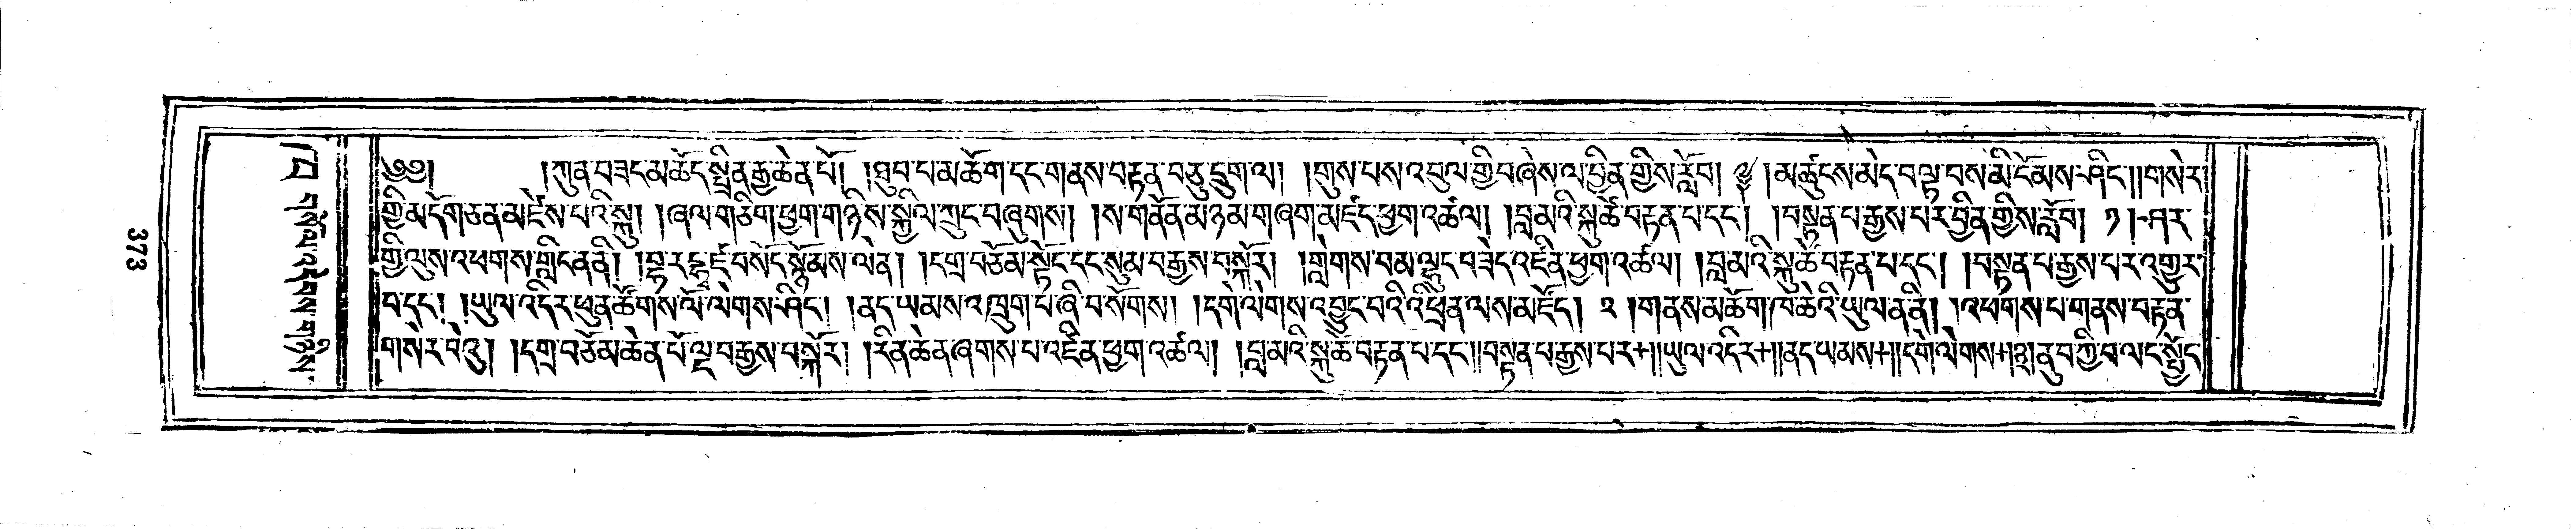༄༅། །ཀུན་བཟང་མཆོད་སྤྲིན་རྒྱ་ཆེན་པོ། །ཐུབ་པ་མཆོག་དང་གནས་བརྟན་བཅུ་དྲུག་ལ། །གུས་པས་འབུལ་གྱི་བཞེས་ལ་བྱིན་གྱིས་རློབ། ༈ །མཚུངས་མེད་བལྟ་བས་མི་ངོམས་ཤིང་། །གསེར་
གྱི་མདོག་ཅན་མཛེས་པའི་སྐུ། །ཞལ་གཅིག་ཕྱག་གཉིས་སྐྱིལ་ཀྲུང་བཞུགས། །ས་གནོན་མཉམ་གཞག་མཛད་ཕྱག་འཚལ། །བླ་མའི་སྐུ་ཚེ་བརྟན་པ་དང་། །བསྟན་པ་རྒྱས་པར་བྱིན་གྱིས་རློབ། ༡་།ཤར་
གྱི་ལུས་འཕགས་གླིང་ན་ནི། །བྷ་ར་དྷྭ་ཛ་བསོད་སྙོམས་ལེན། །དགྲ་བཅོམ་སྟོང་དང་སུམ་བརྒྱས་བསྐོར། །གླེགས་བམ་ལྷུང་བཟེད་འཛིན་ཕྱག་འཚལ། །བླ་མའི་སྐུ་ཚེ་བརྟན་པ་དང་། །བསྟན་པ་རྒྱས་པར་འགྱུར་
བ་དང་། །ཡུལ་འདིར་ཕུན་ཚོགས་ལོ་ལེགས་ཤིང་། །ནད་ཡམས་འཁྲུག་པ་ཞི་བ་སོགས། །དགེ་ལེགས་འབྱུང་བའི་འཕྲིན་ལས་མཛོད། ༢་།གནས་མཆོག་ཁ་ཆེའི་ཡུལ་ན་ནི། །འཕགས་པ་གནས་བརྟན་
གསེར་བེའུ། །དགྲ་བཅོམ་ཆེན་པོ་ལྔ་བརྒྱས་བསྐོར། །རིན་ཆེན་ཞགས་པ་འཛིན་ཕྱག་འཚལ། །བླ་མའི་སྐུ་ཚེ་བརྟན་པ་དང་། །བསྟན་པ་རྒྱས་པར། །ཡུལ་འདིར་+། །ནད་ཡམས་+། །དགེ་ལེགས། ༣་།ནུབ་ཀྱི་བ་ལང་སྤྱོད་